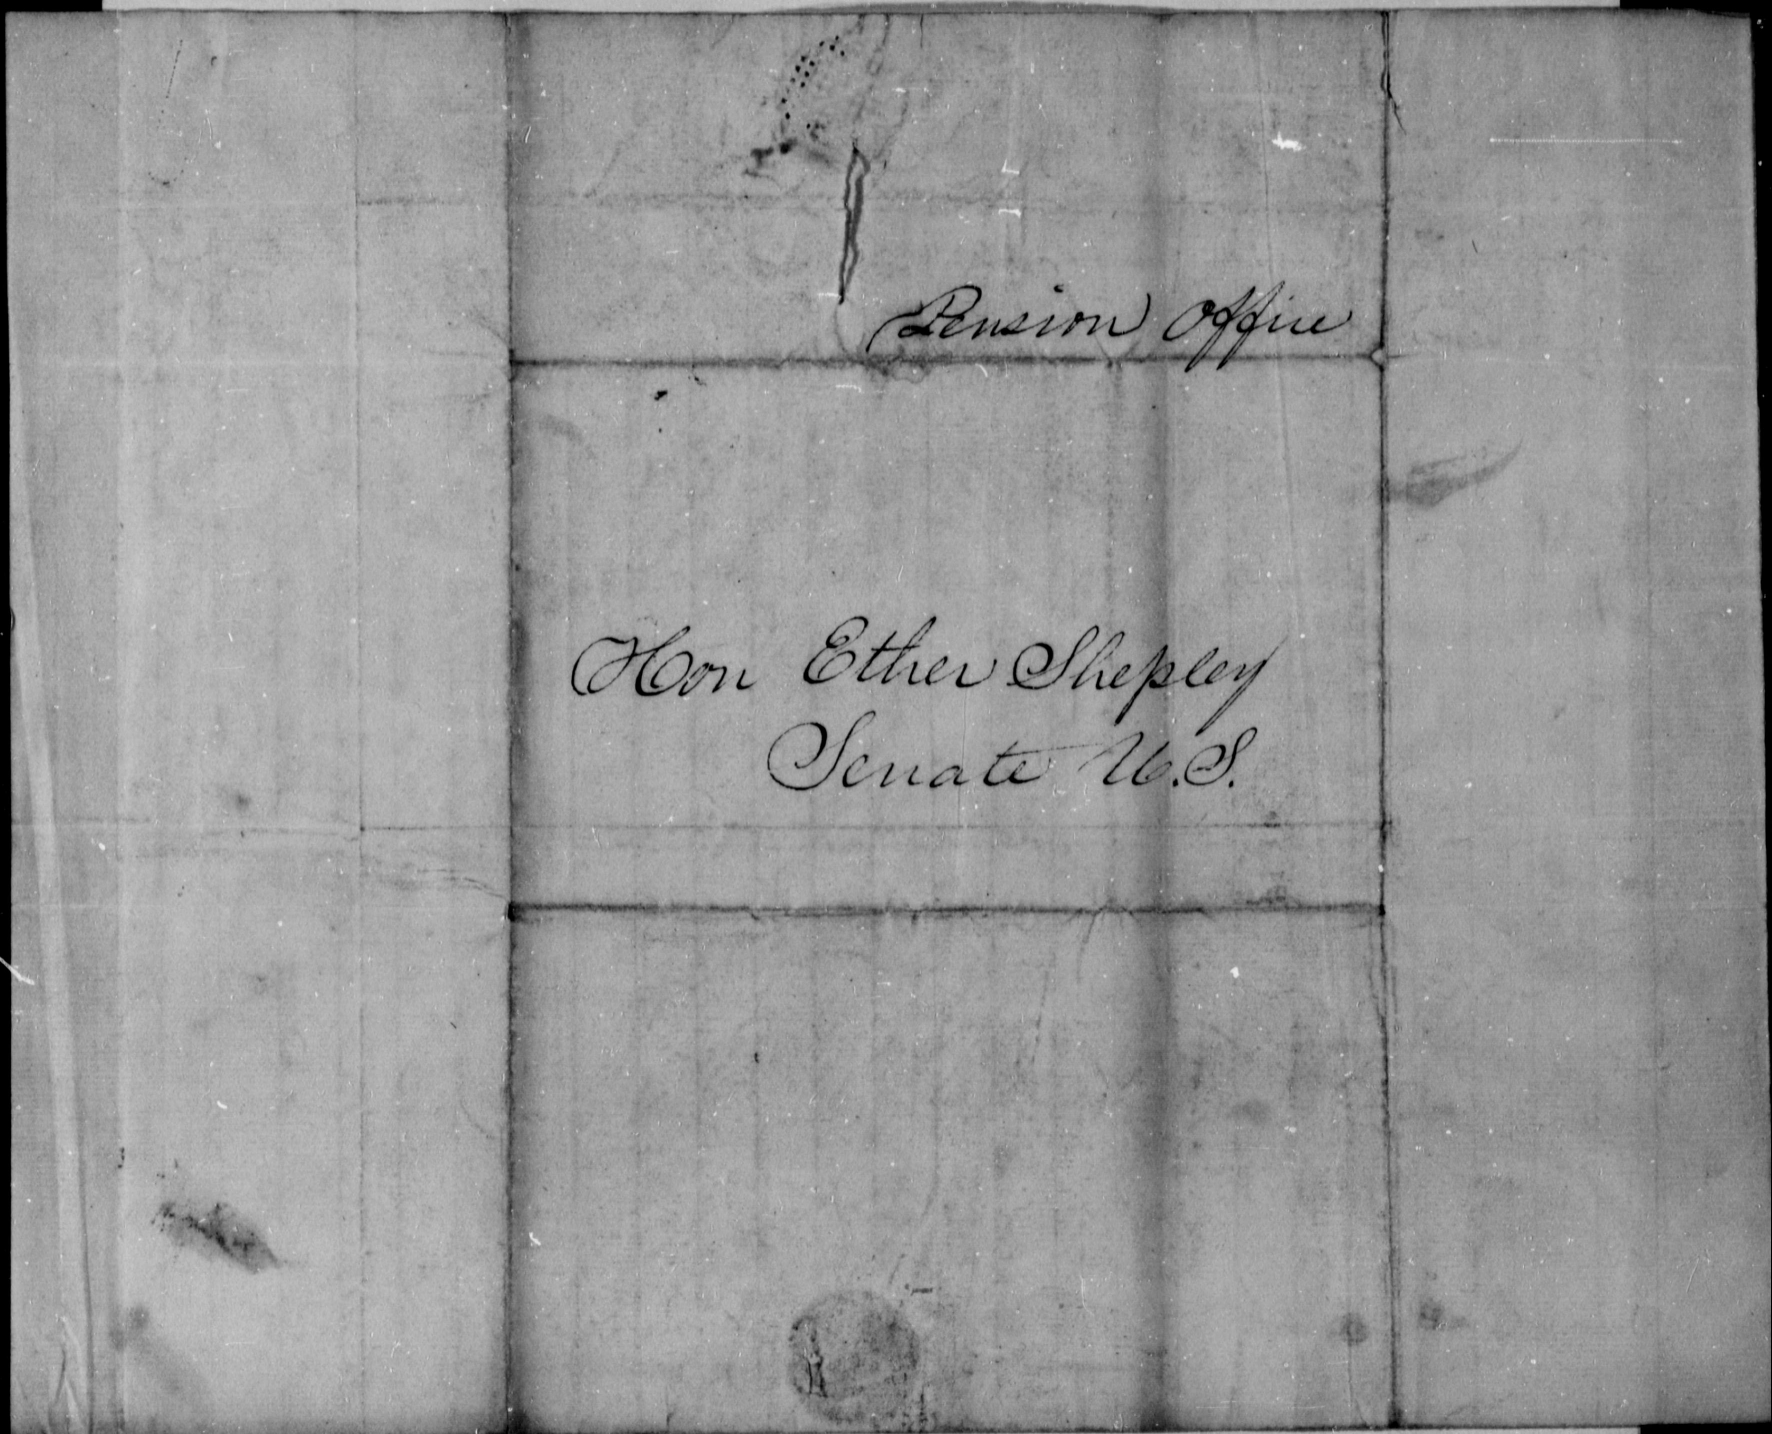Pensions Office




Hon. Esther Shepley
Senate U.S.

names: Ether Shepley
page: 46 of 86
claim: survivor's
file: S 29,568, Isaac Abbot, Mass